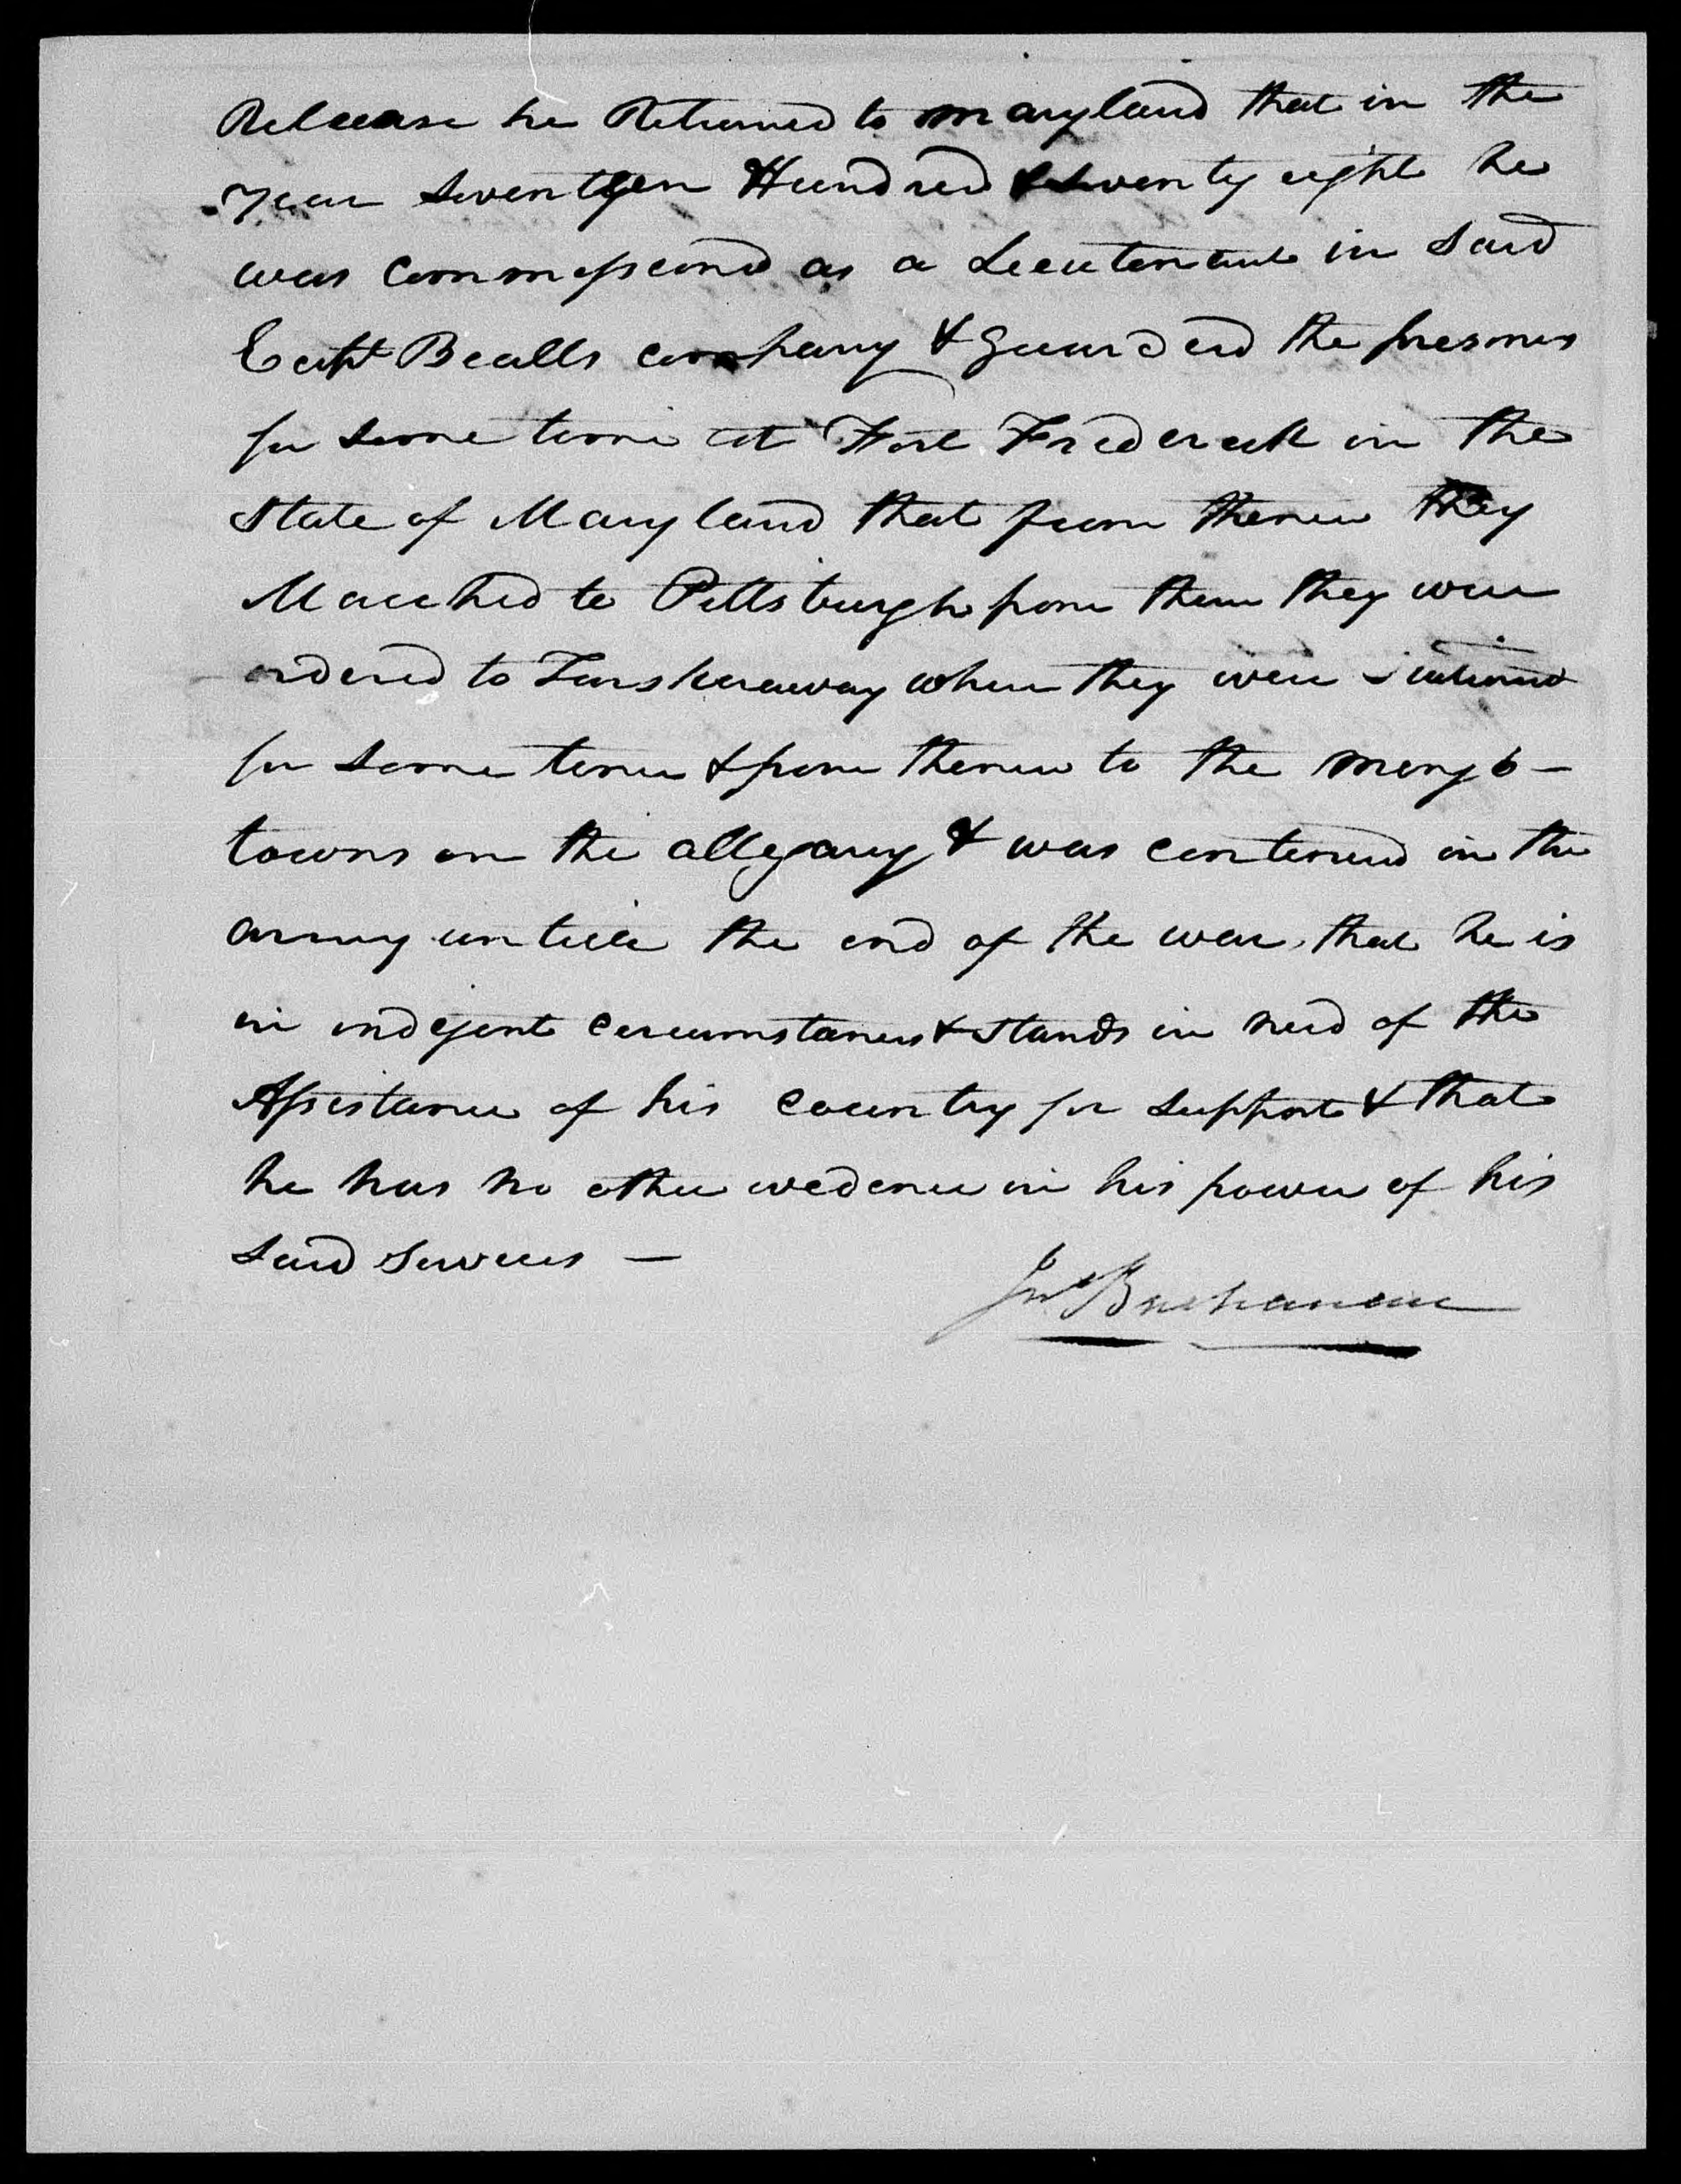release he returned to Maryland that in the year Seventeen Hundred Seventy eight he was commissioned as a Lieutenant in Said Capt. Beall's company & guarded the prisoners for some time at Fort Frederick in the State of Maryland that from there they marched to Pittsburgh from there they were ordered to Lans Keneway where they were stationed for some time & from there to the many towns on the Allegany & was continuous in the  army until the end of the war, that he is in indigent circumstances & stands in need of the assistance of his country for support & that he has no other credence in his powers of his said services.
J.... Buchanan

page: 5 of 13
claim: survivor's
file: S. 34973, for Nathaniel Beale Magruder, Maryland